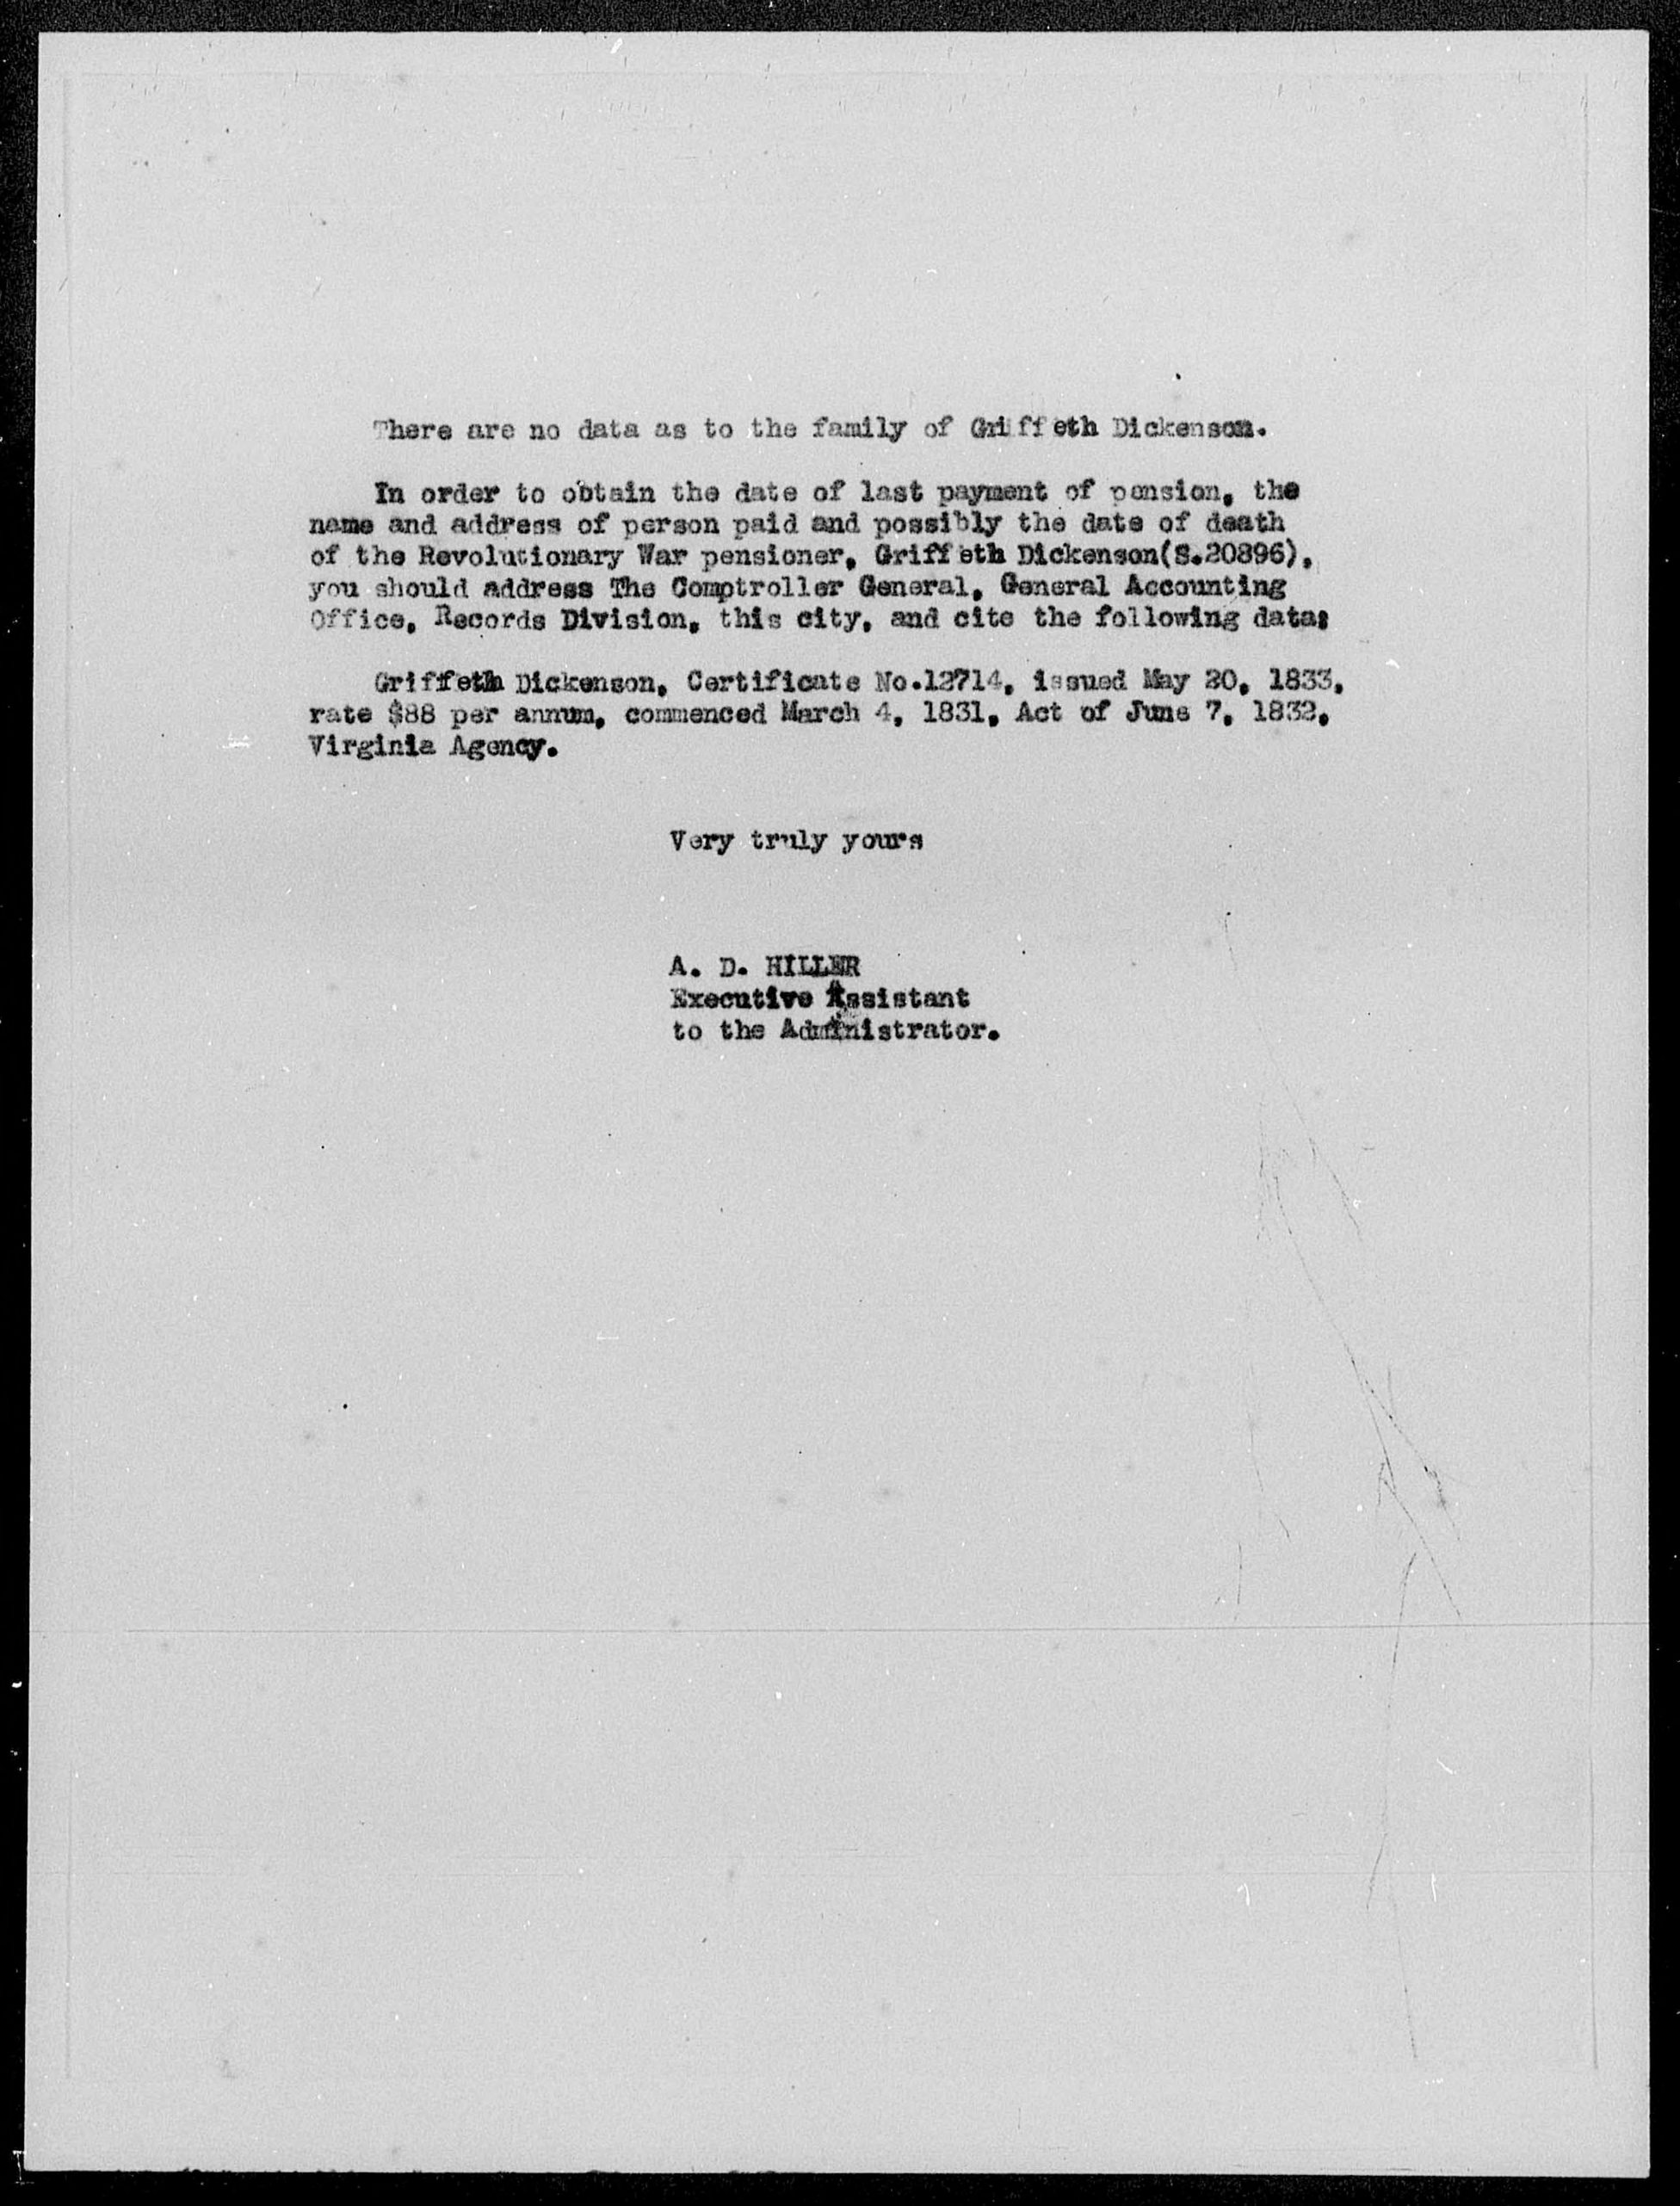There are no data as to the family of Griffeth Dickenson.

In order to obtain the date of last payment of pension, the name and address of person paid and possibly the date of death of the Revolutionary War pensioner, Griffeth Dickenson (S.20896), you should address The Comptroller General, General Accounting Office, Records Division, this city, and cite the following data:

Griffeth Dickenson, Certificate No. 12714, issued May 20, 1833, rate $88 per annum, commenced March 4, 1831, Act of June 7, 1832, Virginia Agency.

Very truly yours

A.D. Hiller
Executive Assistant
to the Adminstrator.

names: Griffeth Dickenson, Griffeth Dickenson, A D Hiller, Griffeth Dickenson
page: 12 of 26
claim: survivor's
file: S. 20896, Griffeth Dickenson, Ga. Va.